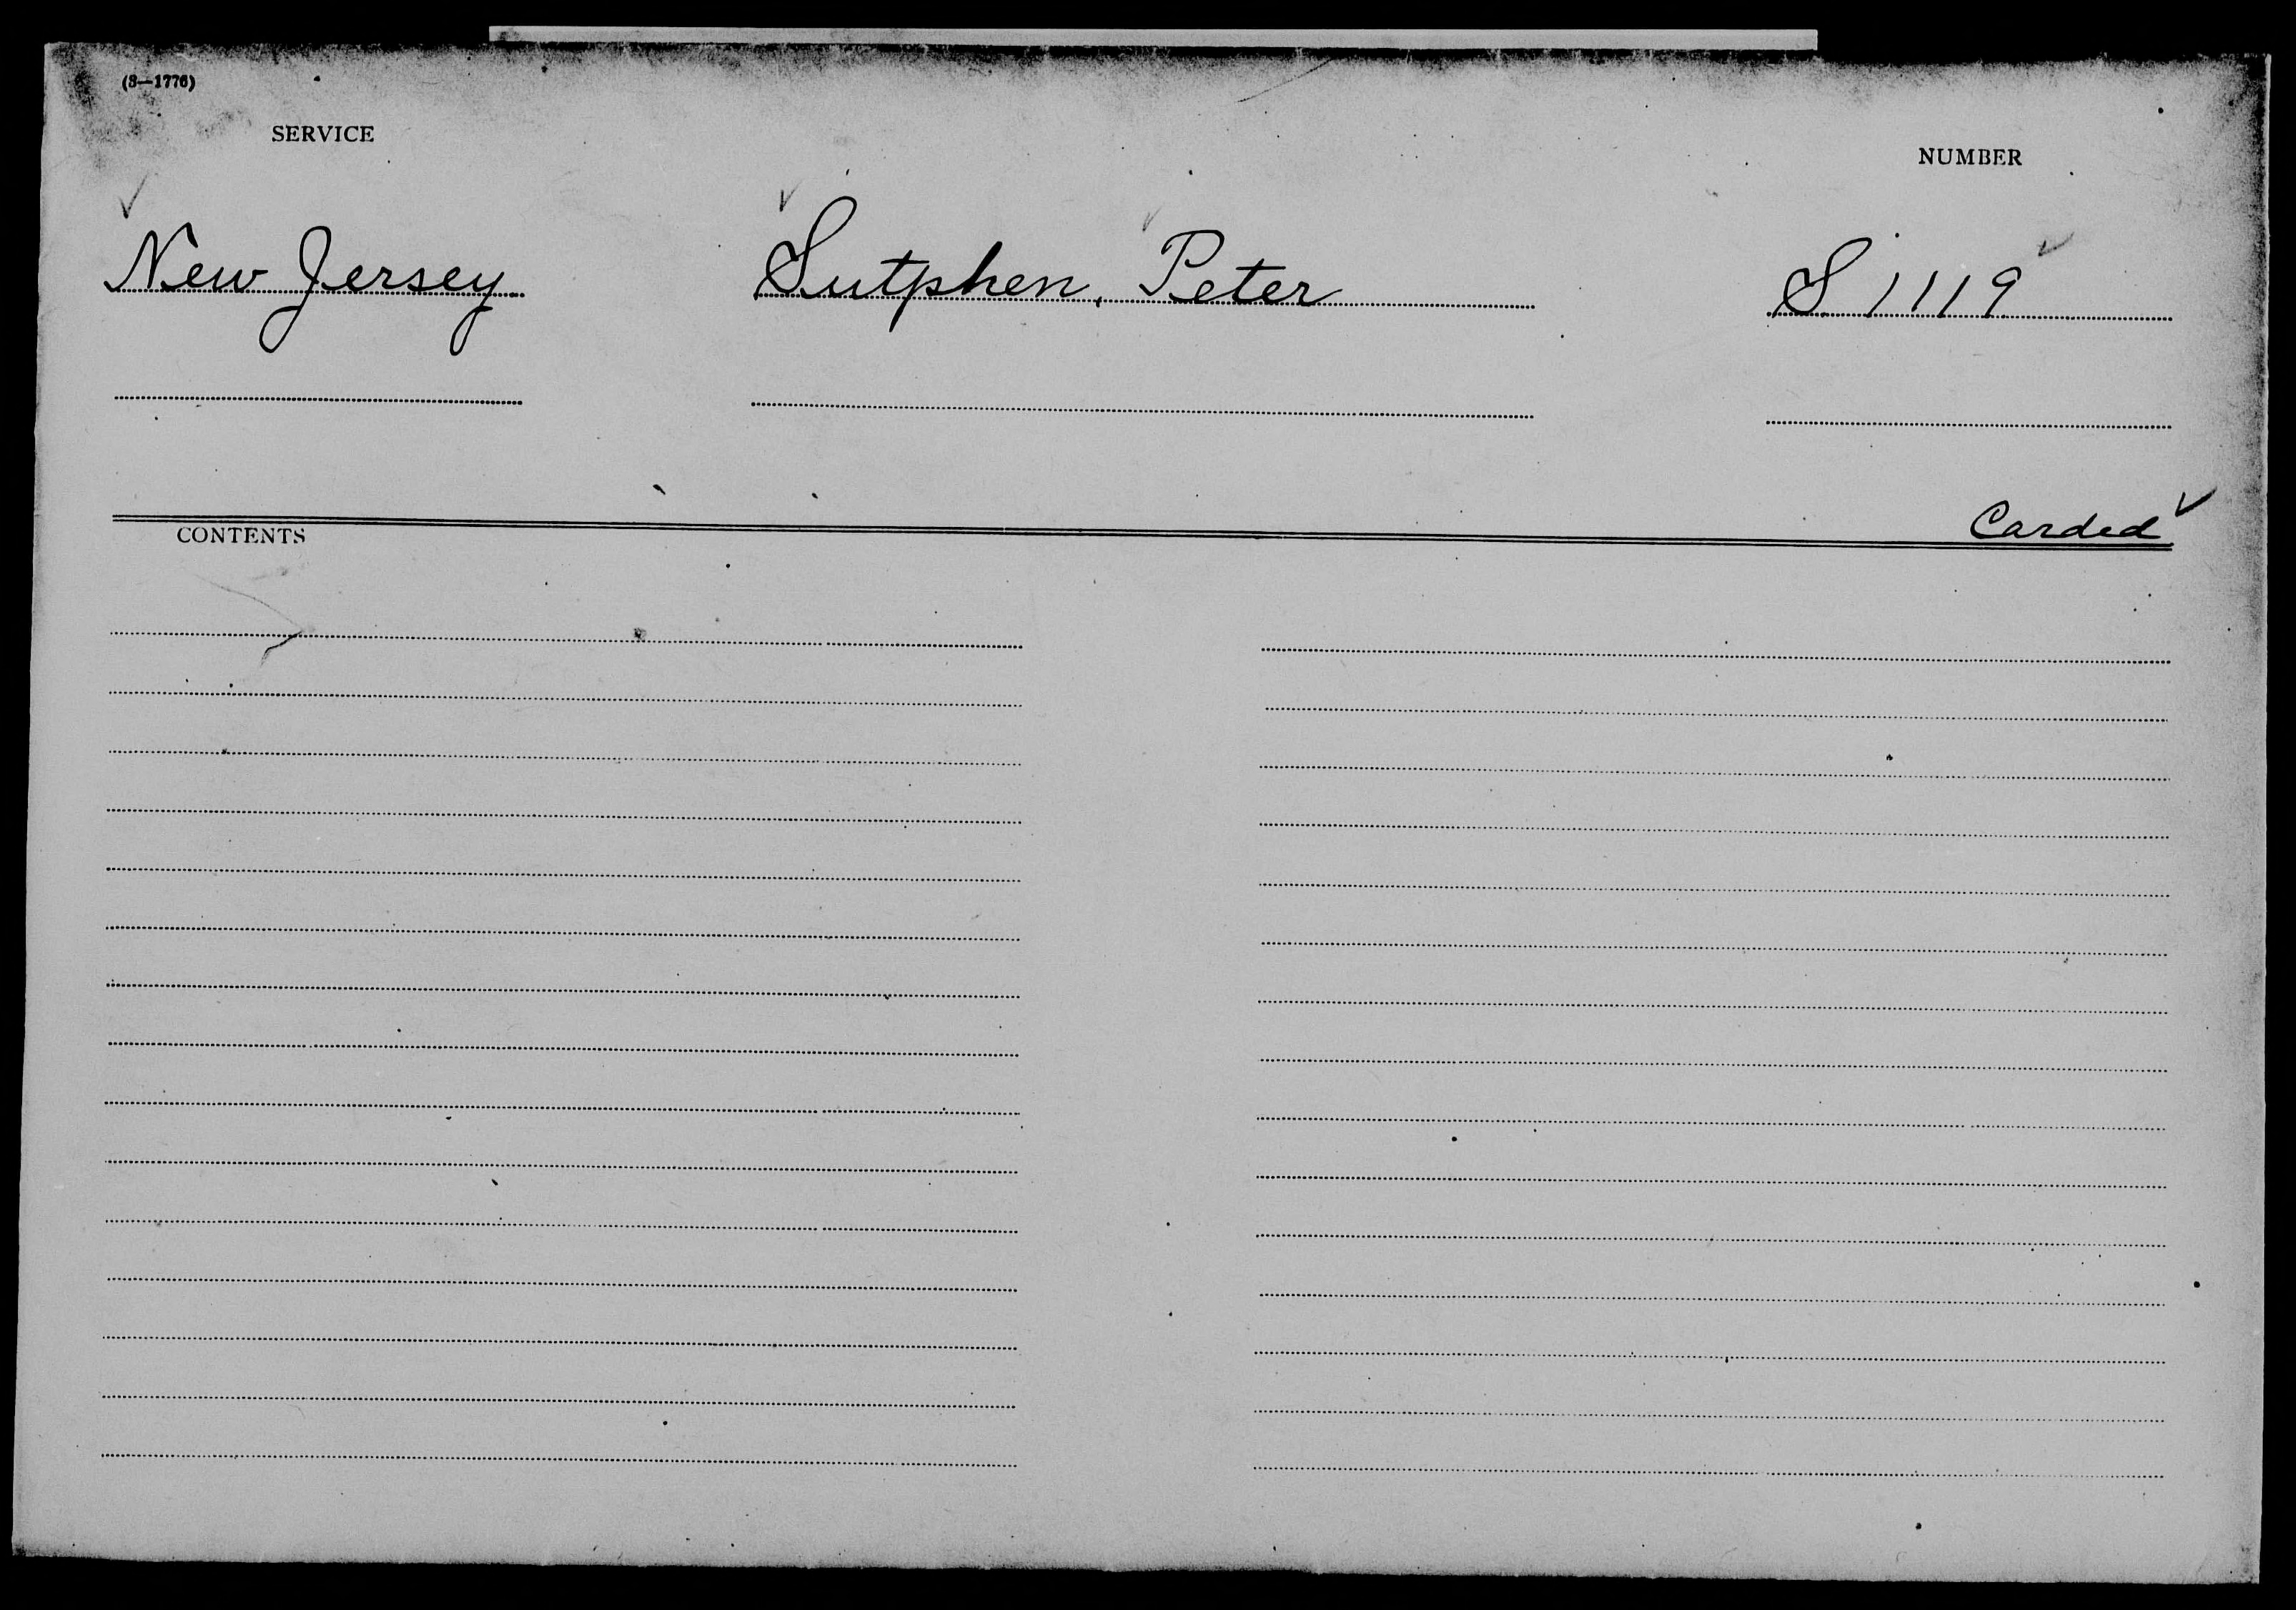New Jersey  Sutphen, Peter    S1119 Carded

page: 1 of 14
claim: survivor's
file: S. 1119, for Peter Sutphen, New Jersey